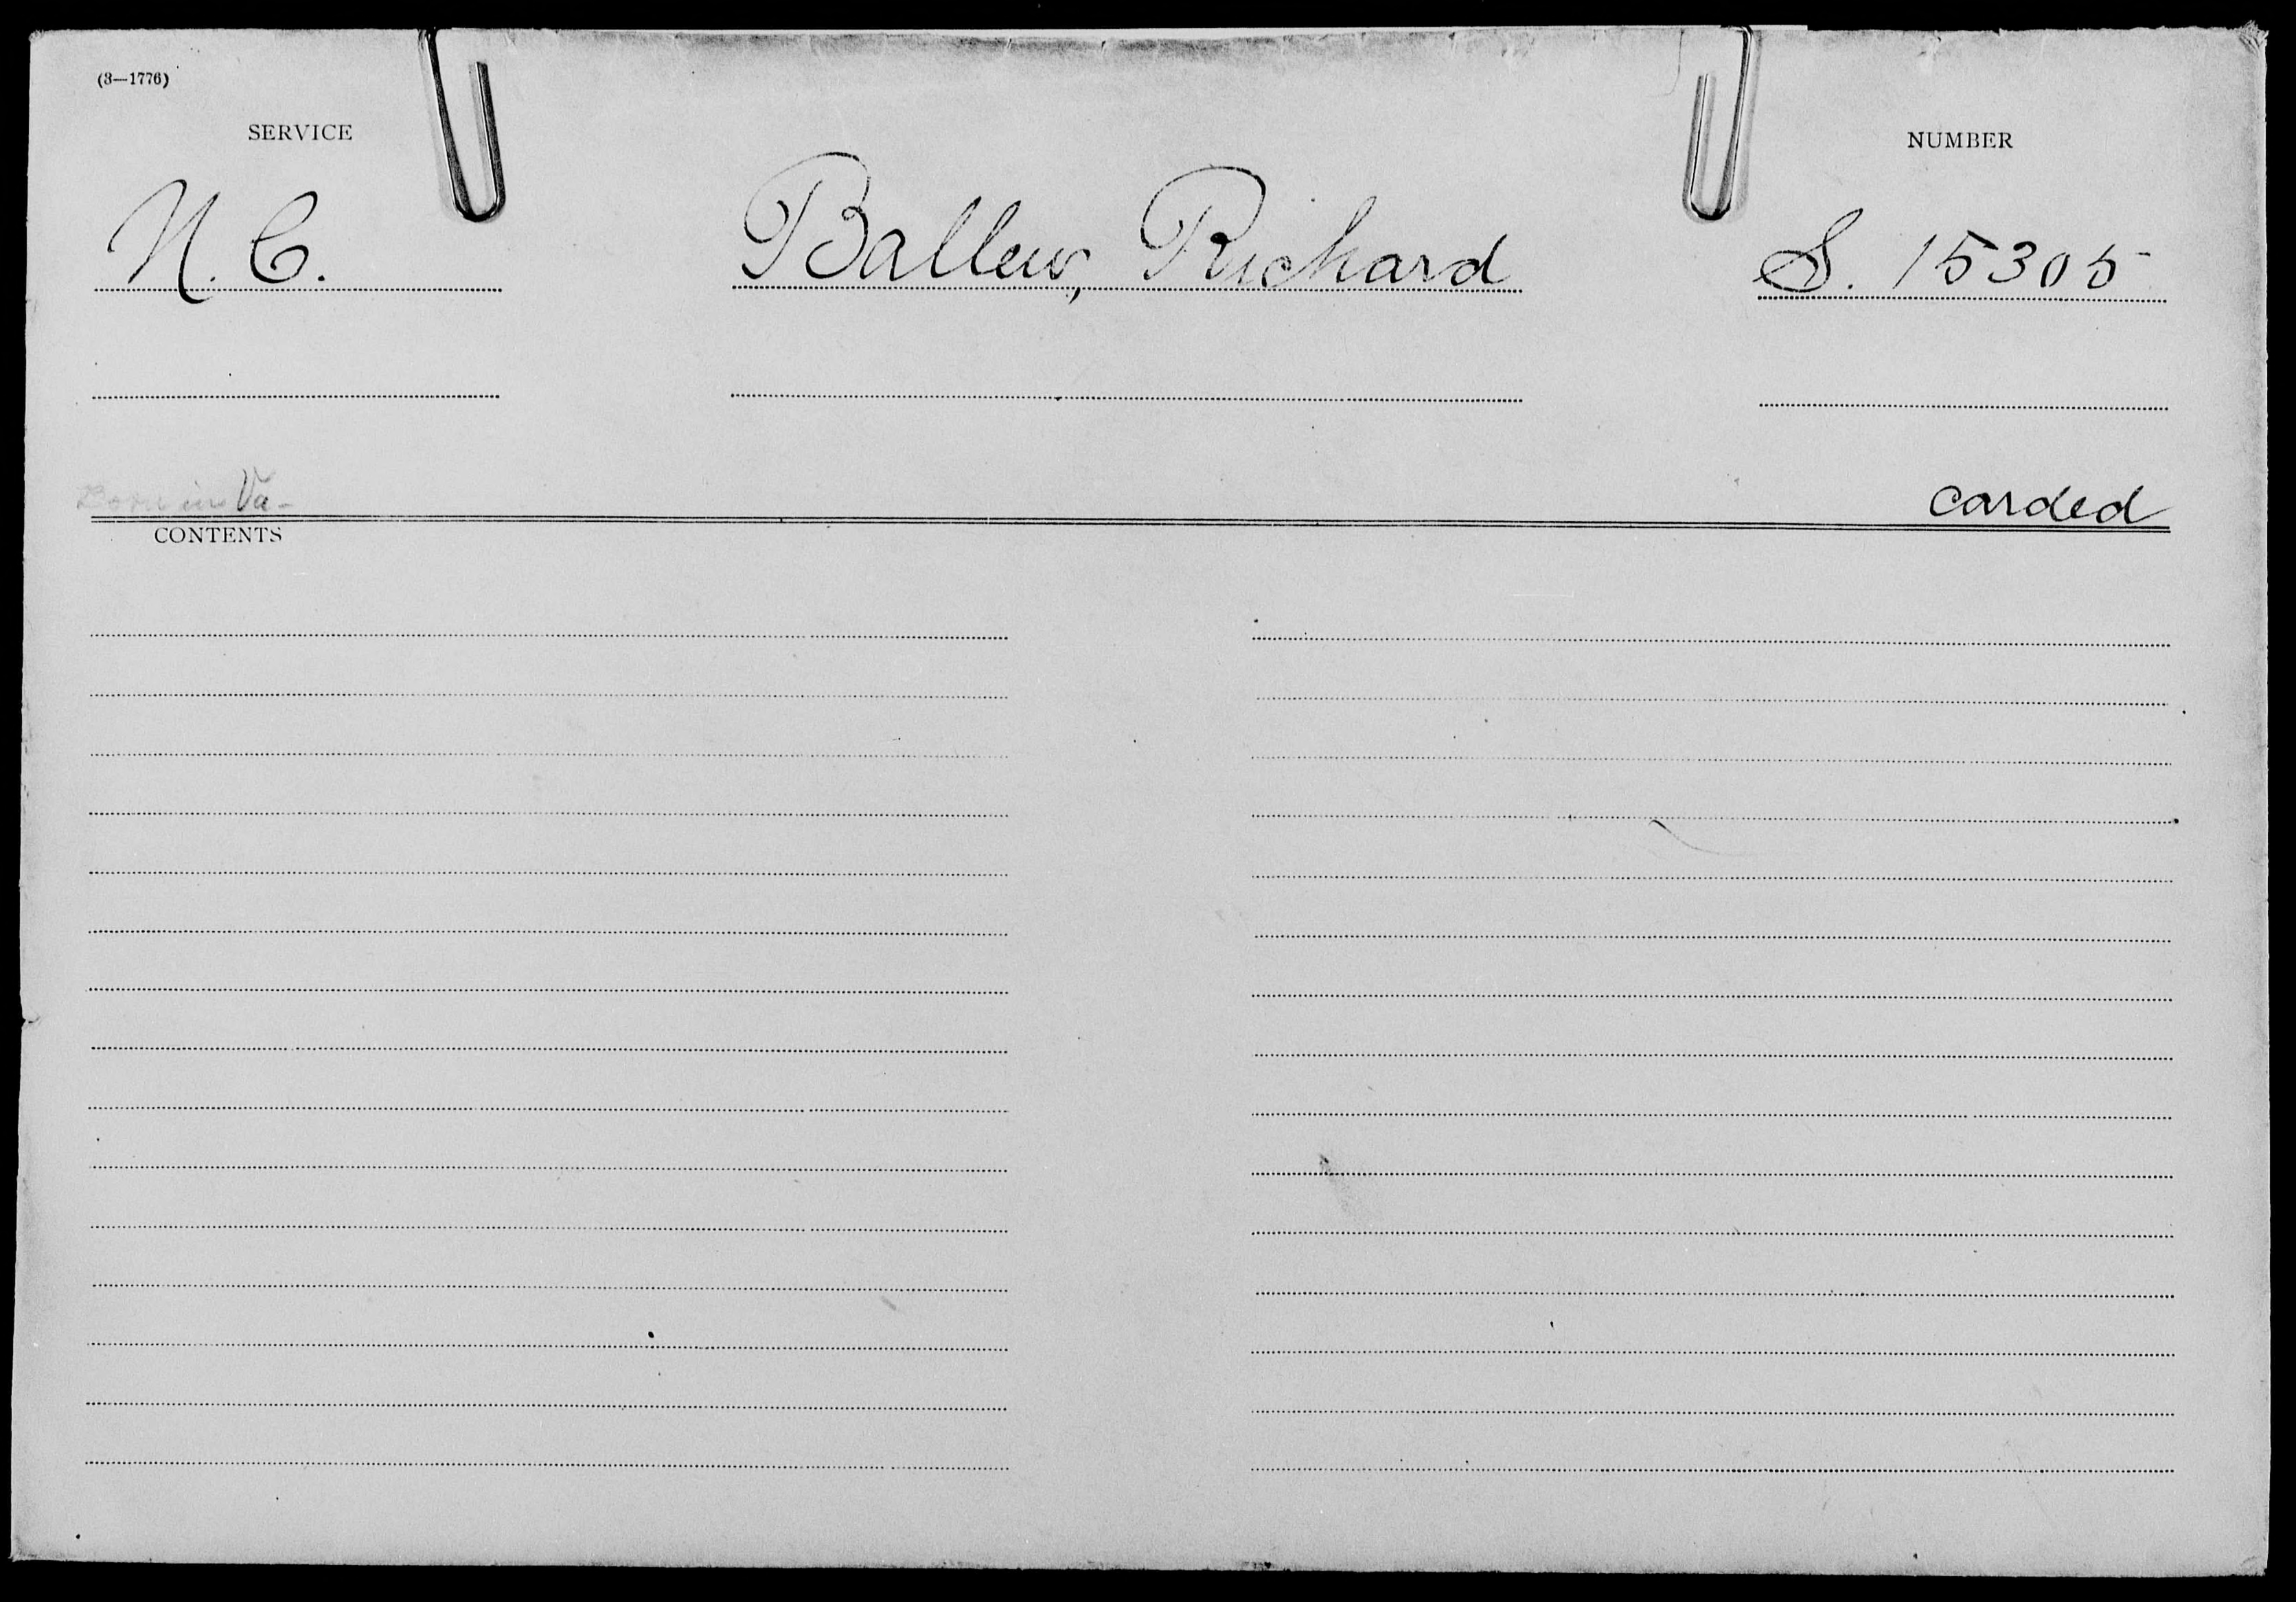SERVICE
N.C,

Ballew, Richard


NUMBER
S. 15305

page: 1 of 33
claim: survivor's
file: S. 15305, Richard Ballew, N.C.